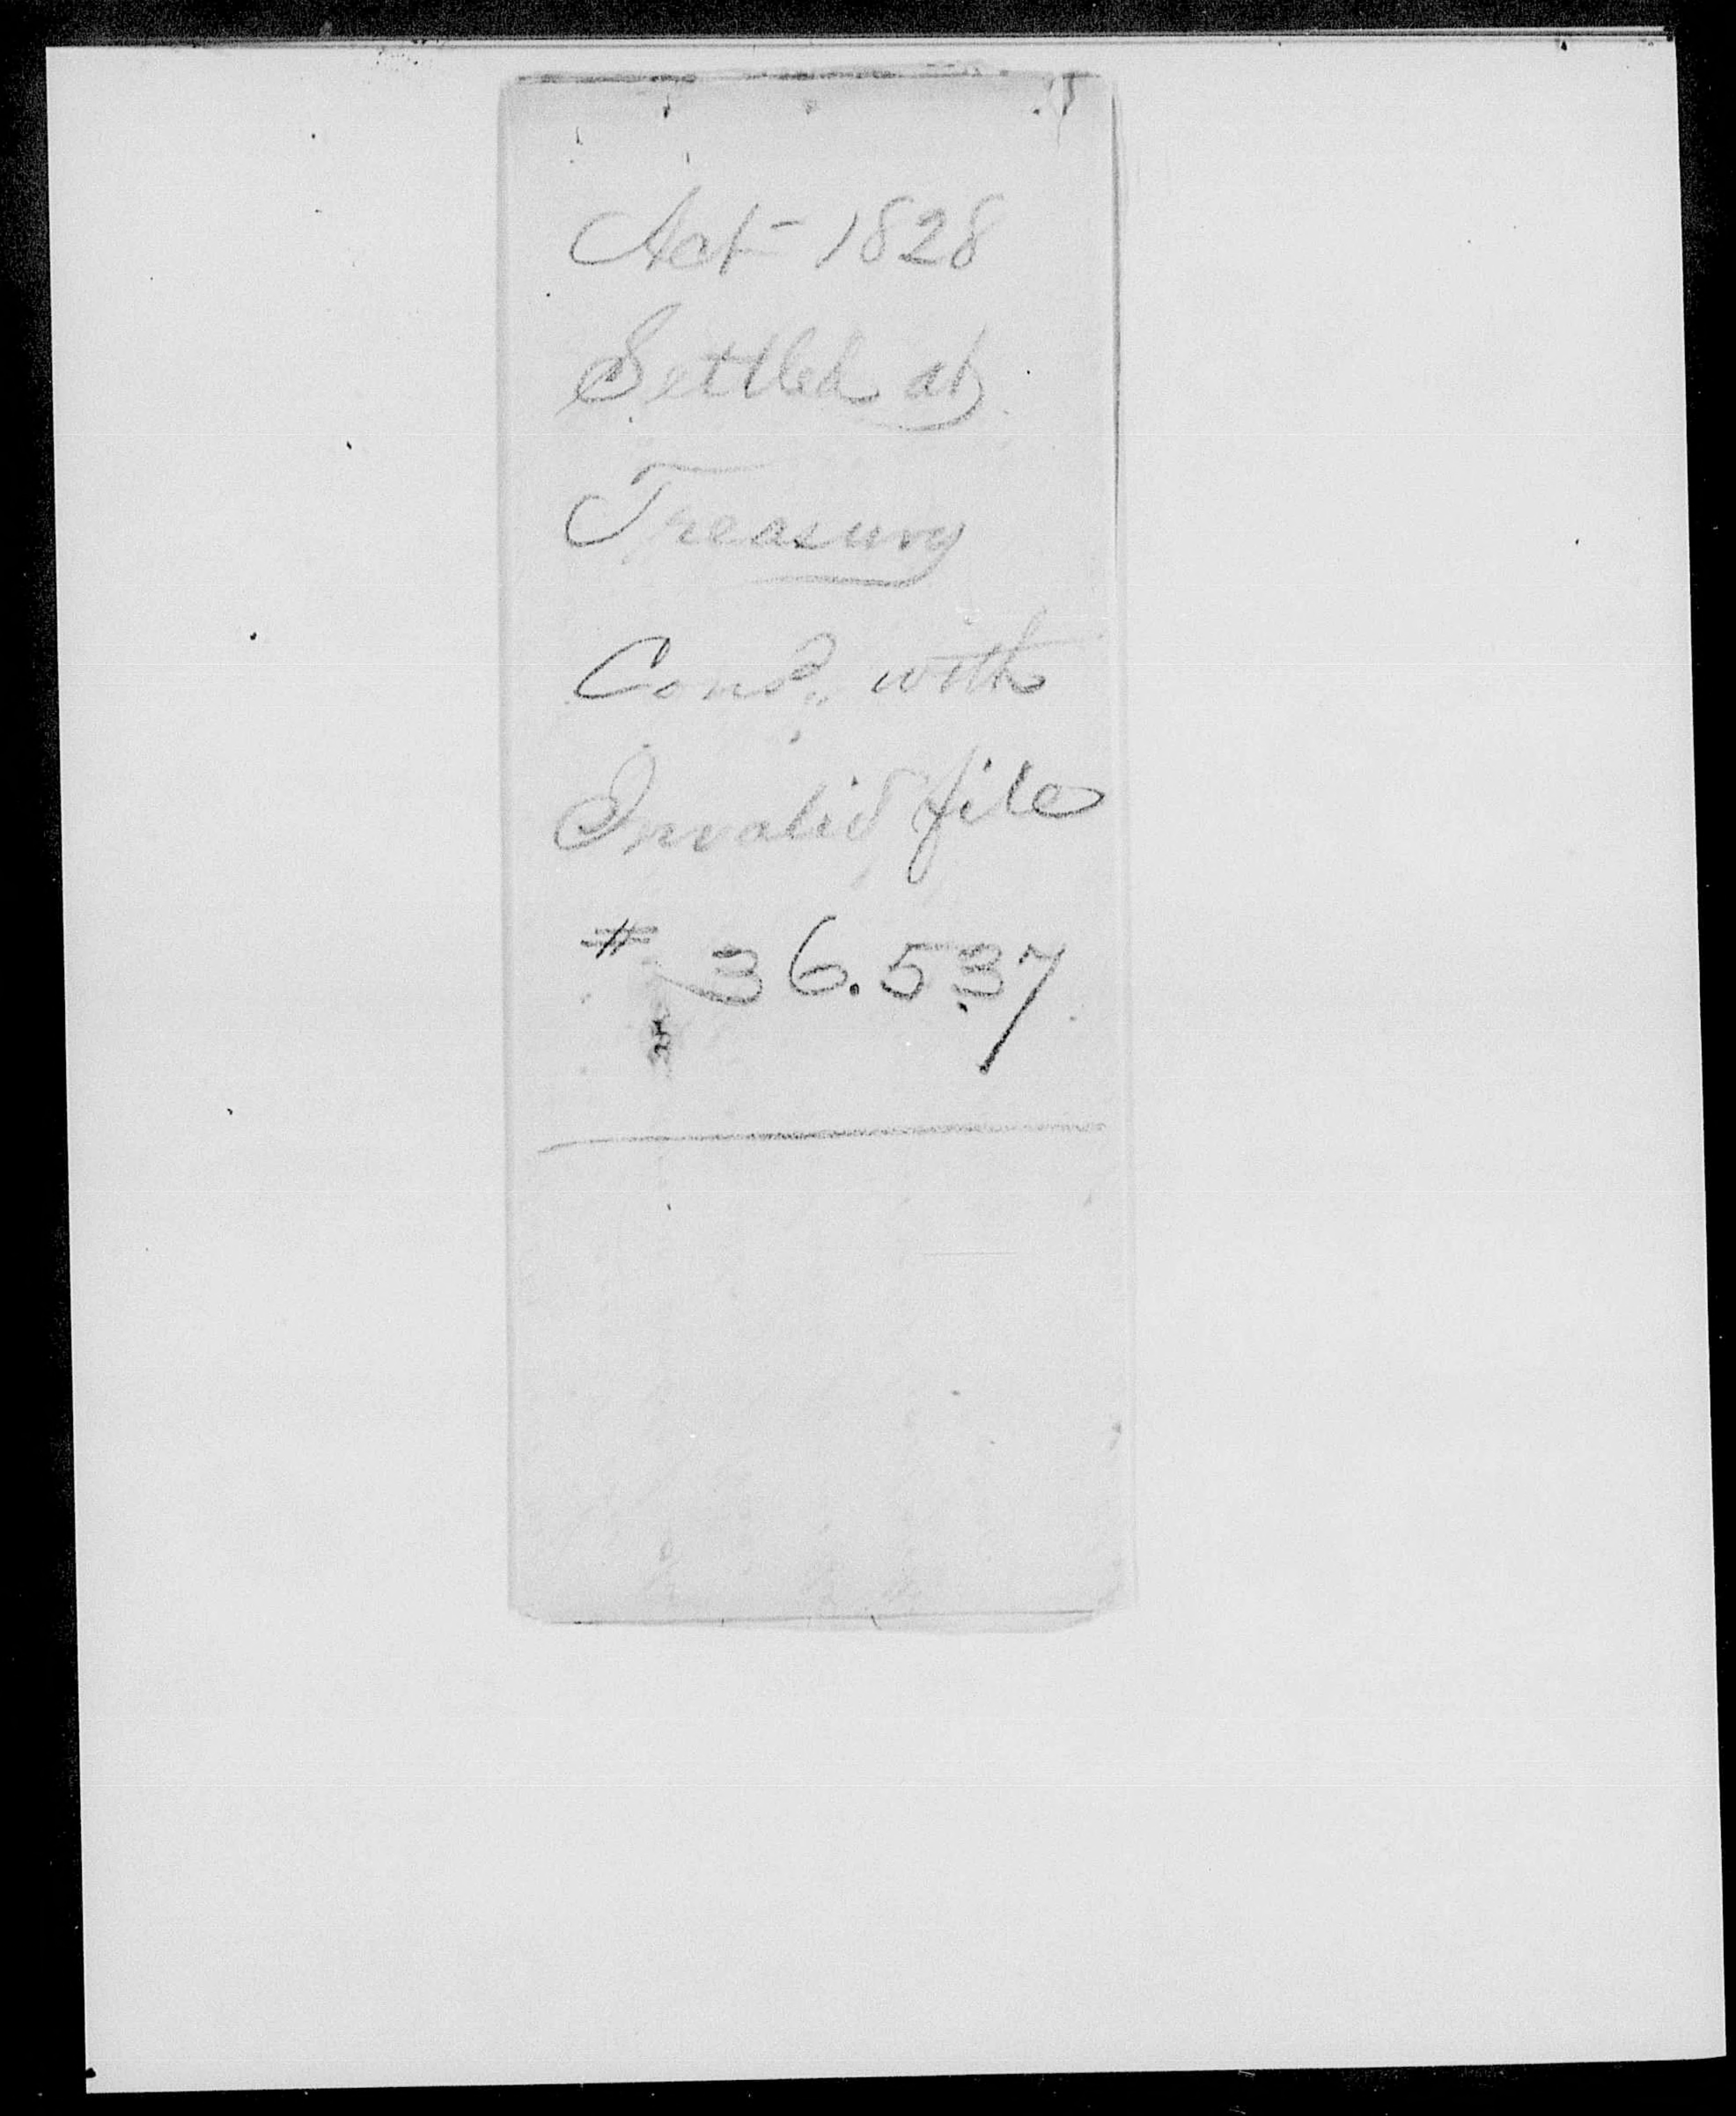Act - 1828.
Settled at
Treasury
Cond. with 
Invalid file
#36,538
____________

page: 20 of 40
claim: survivor's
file: S. 36,537 And R. 4034, John Gillet, Conn.